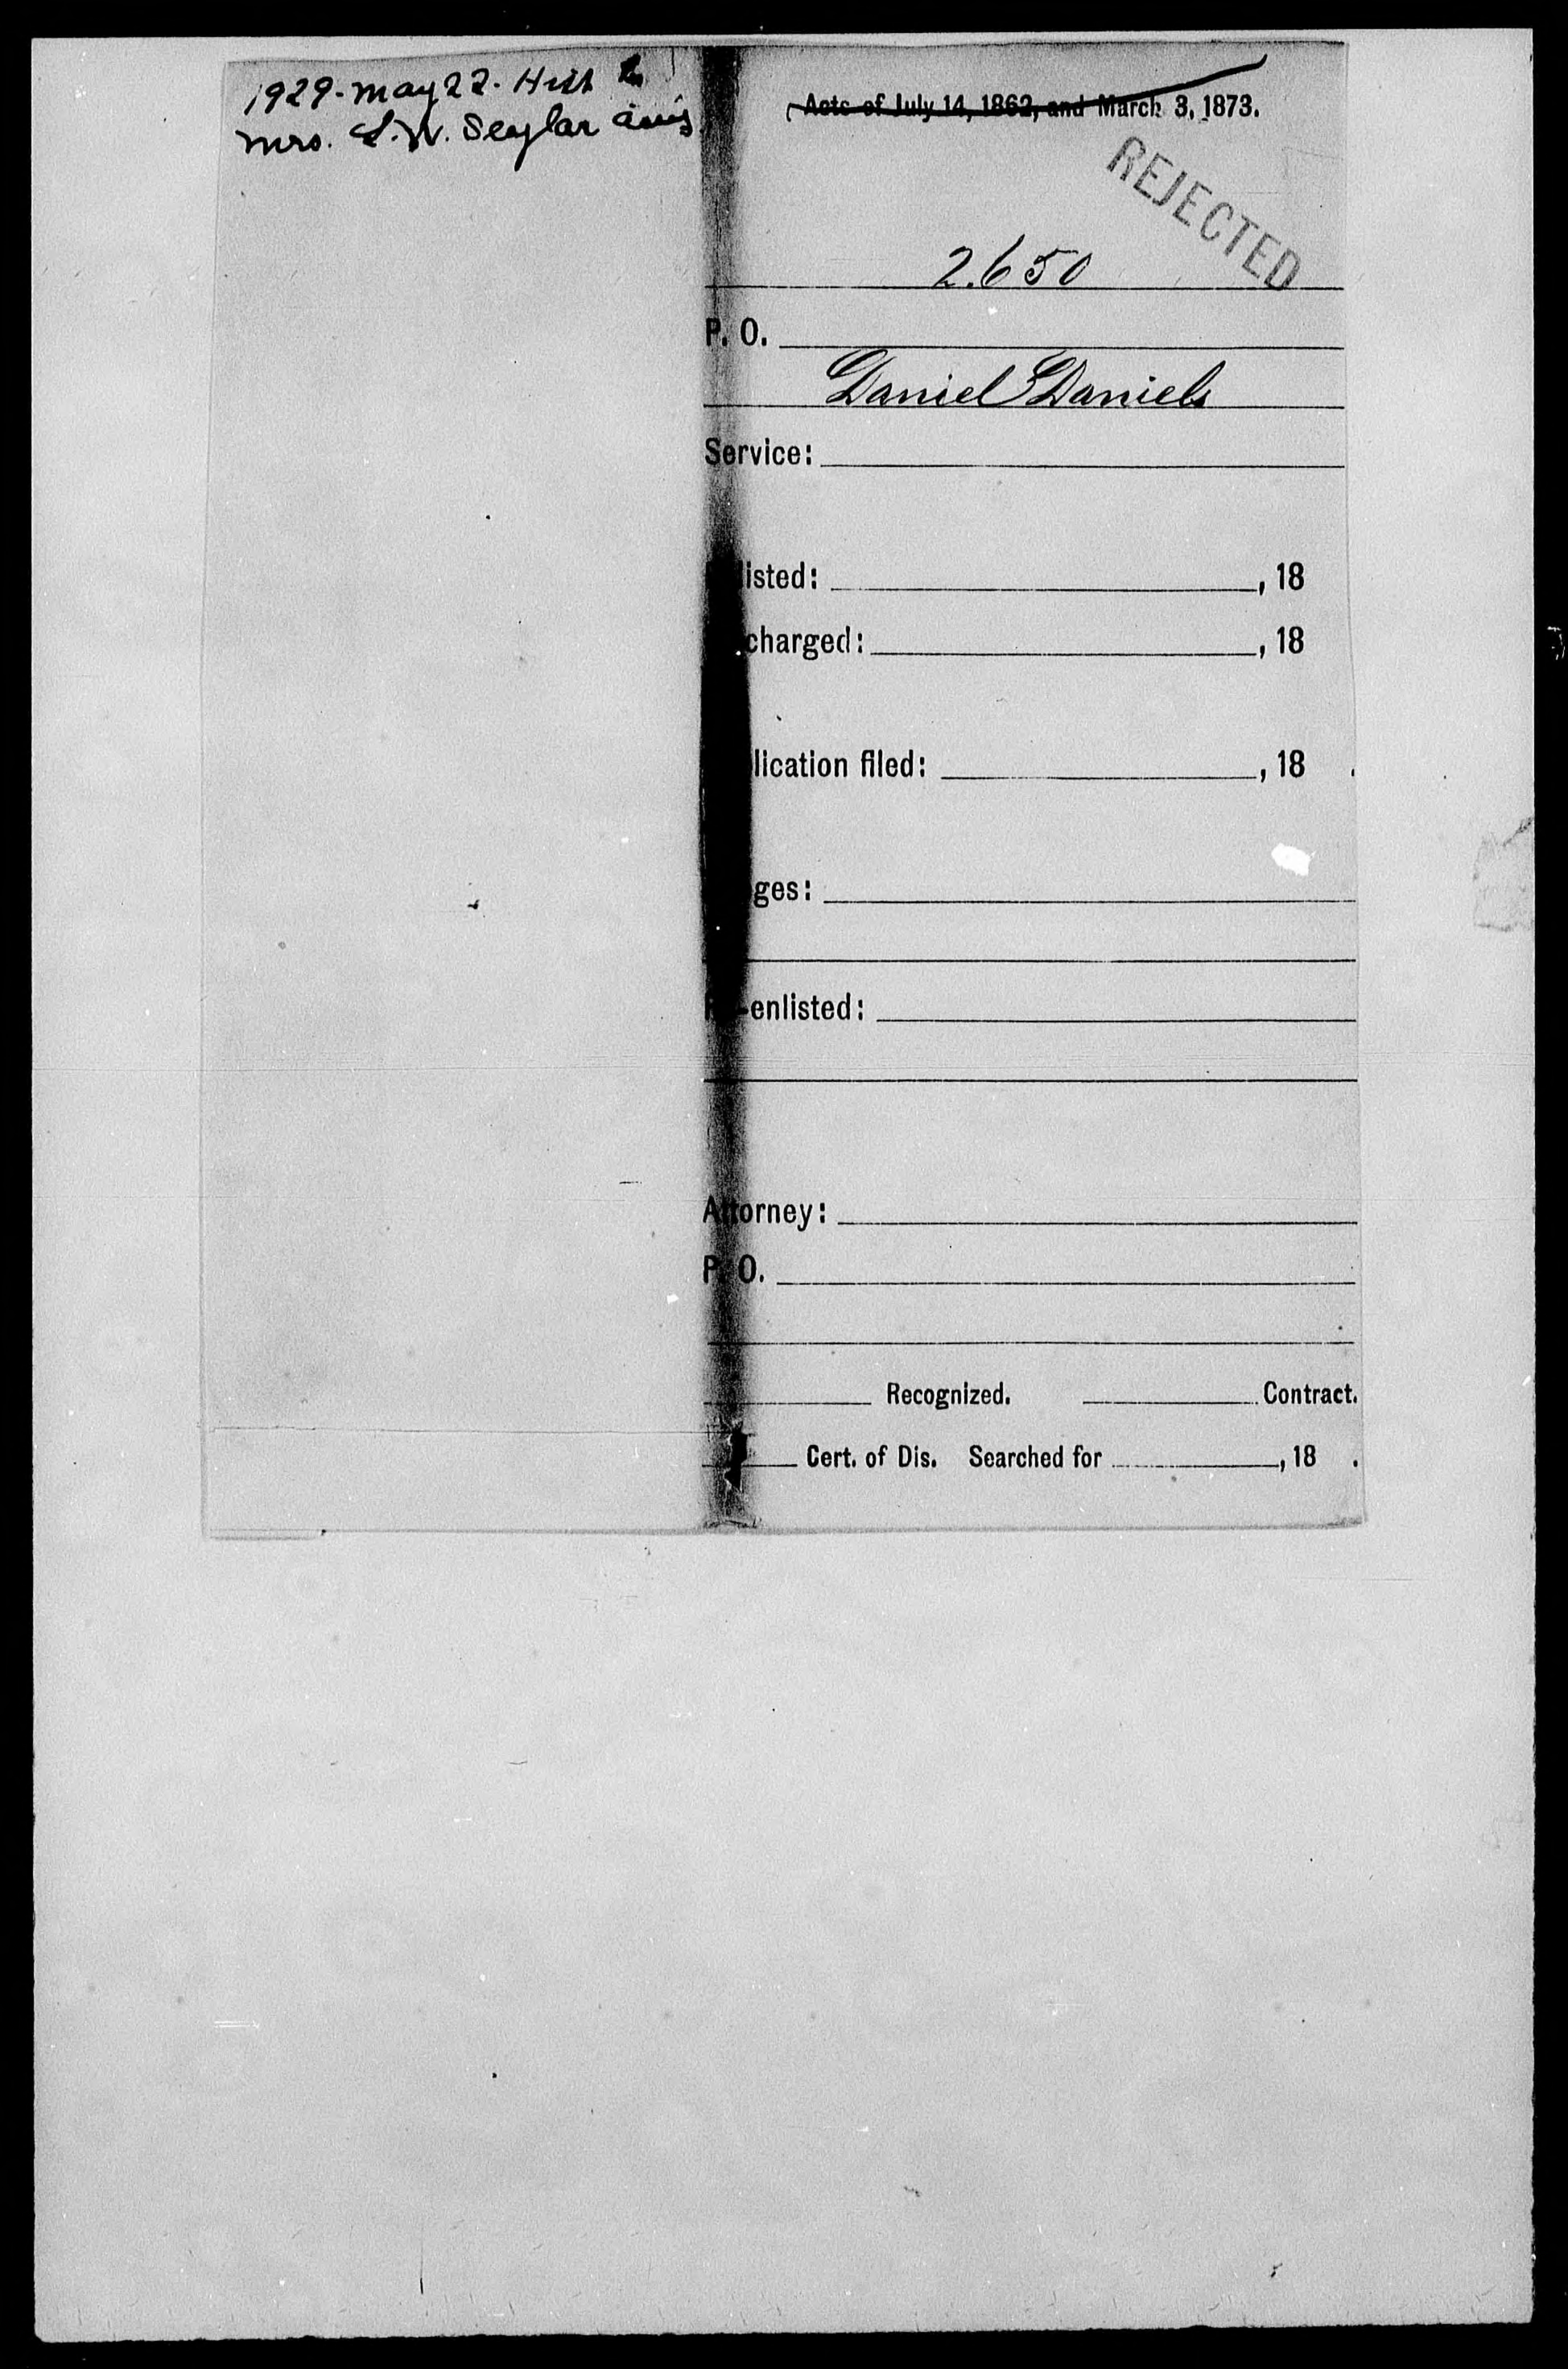[left page]
1929 May 22 Hist to
Mrs. L. W. Seylar and

[right page]
[crossed out] Acts of July 14, 1862, and March 3, 1873.
REJECTED
2.650
P. O.
Daniel Daniels
Service:
[En]listed: , 18
[Dis]charged: , 18
[App]lication filed: , 18
ges:
[Re-]enlisted:
Attorney:
P. O.
Recognized. Contract.
Cert. of Dis. Searched for , 18 .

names: Daniel Daniels, S W Seylar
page: 13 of 35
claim: rejected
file: R. 2,650, Daniel Daniels, Penn.